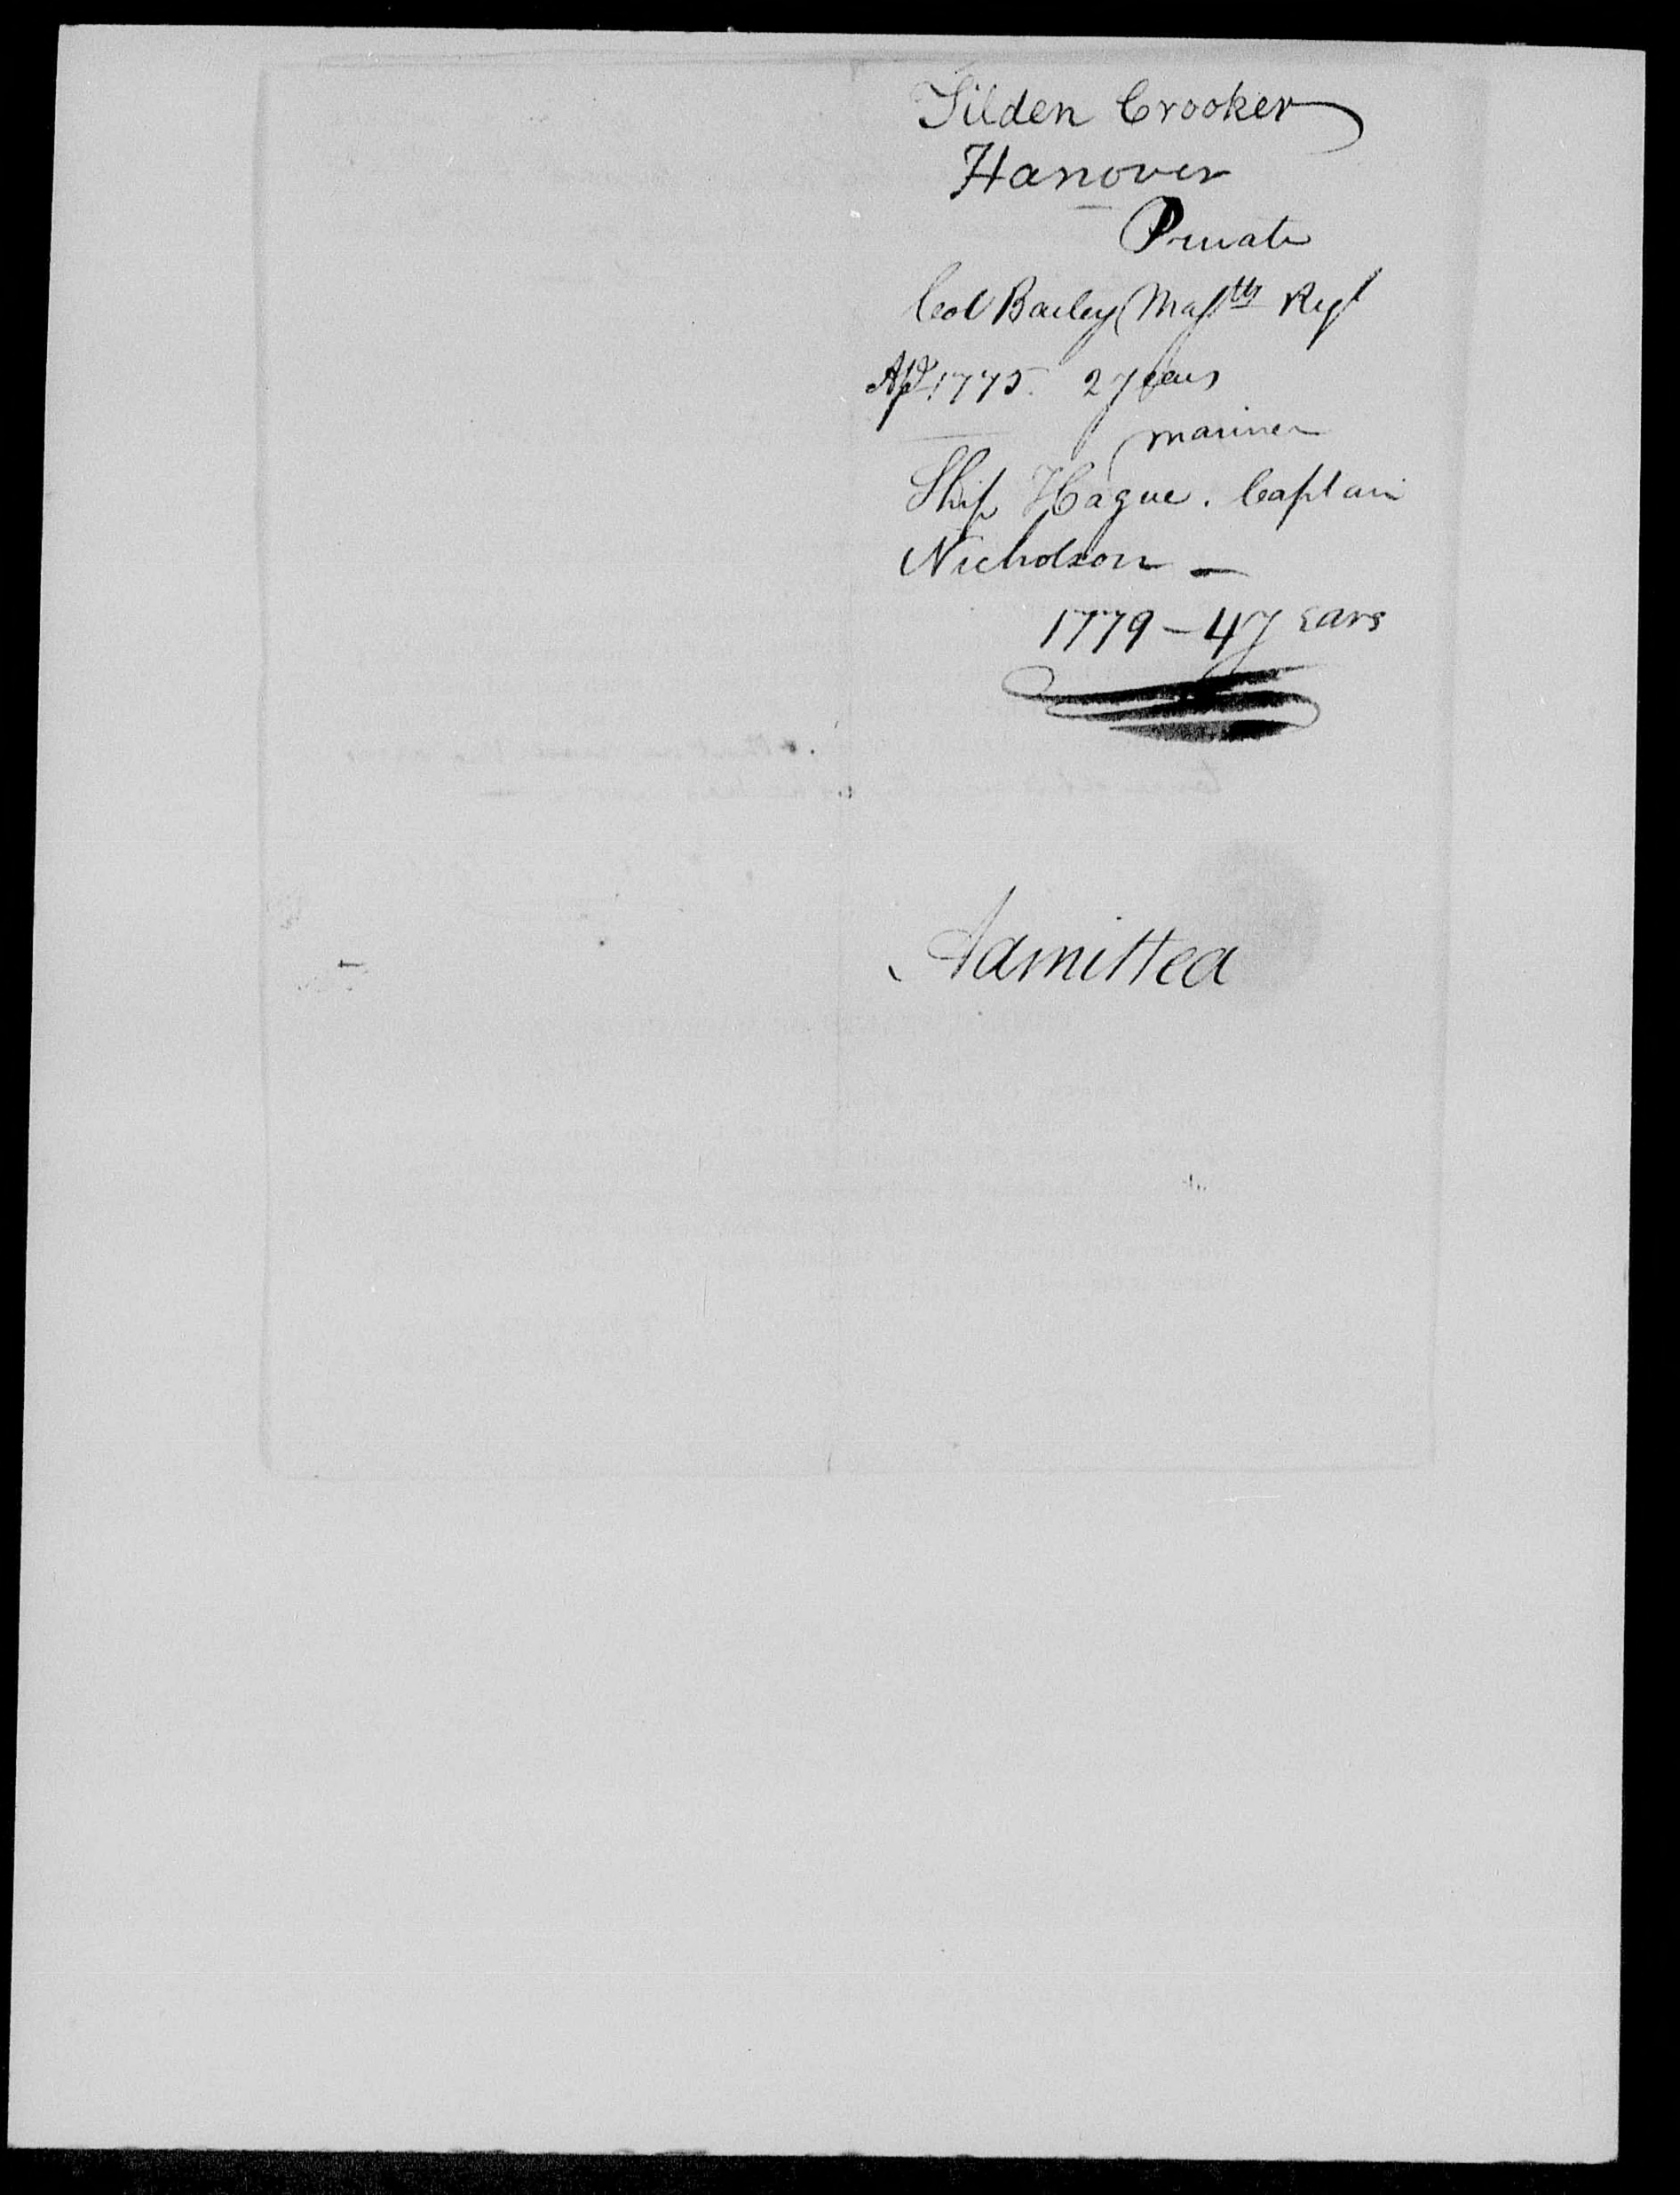Tilden Crooker

Hanover

Private
Col. Bailey Mass. Regt.

Apr. 1775 2 years

Ship Hague Mariner
Captain Nicholson 

1779 4 years

Admitted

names: Tilden Crooker, Nicholson, Ship Hague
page: 3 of 33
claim: widow's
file: W. 22862, Tilden Crooker, Mass Navy